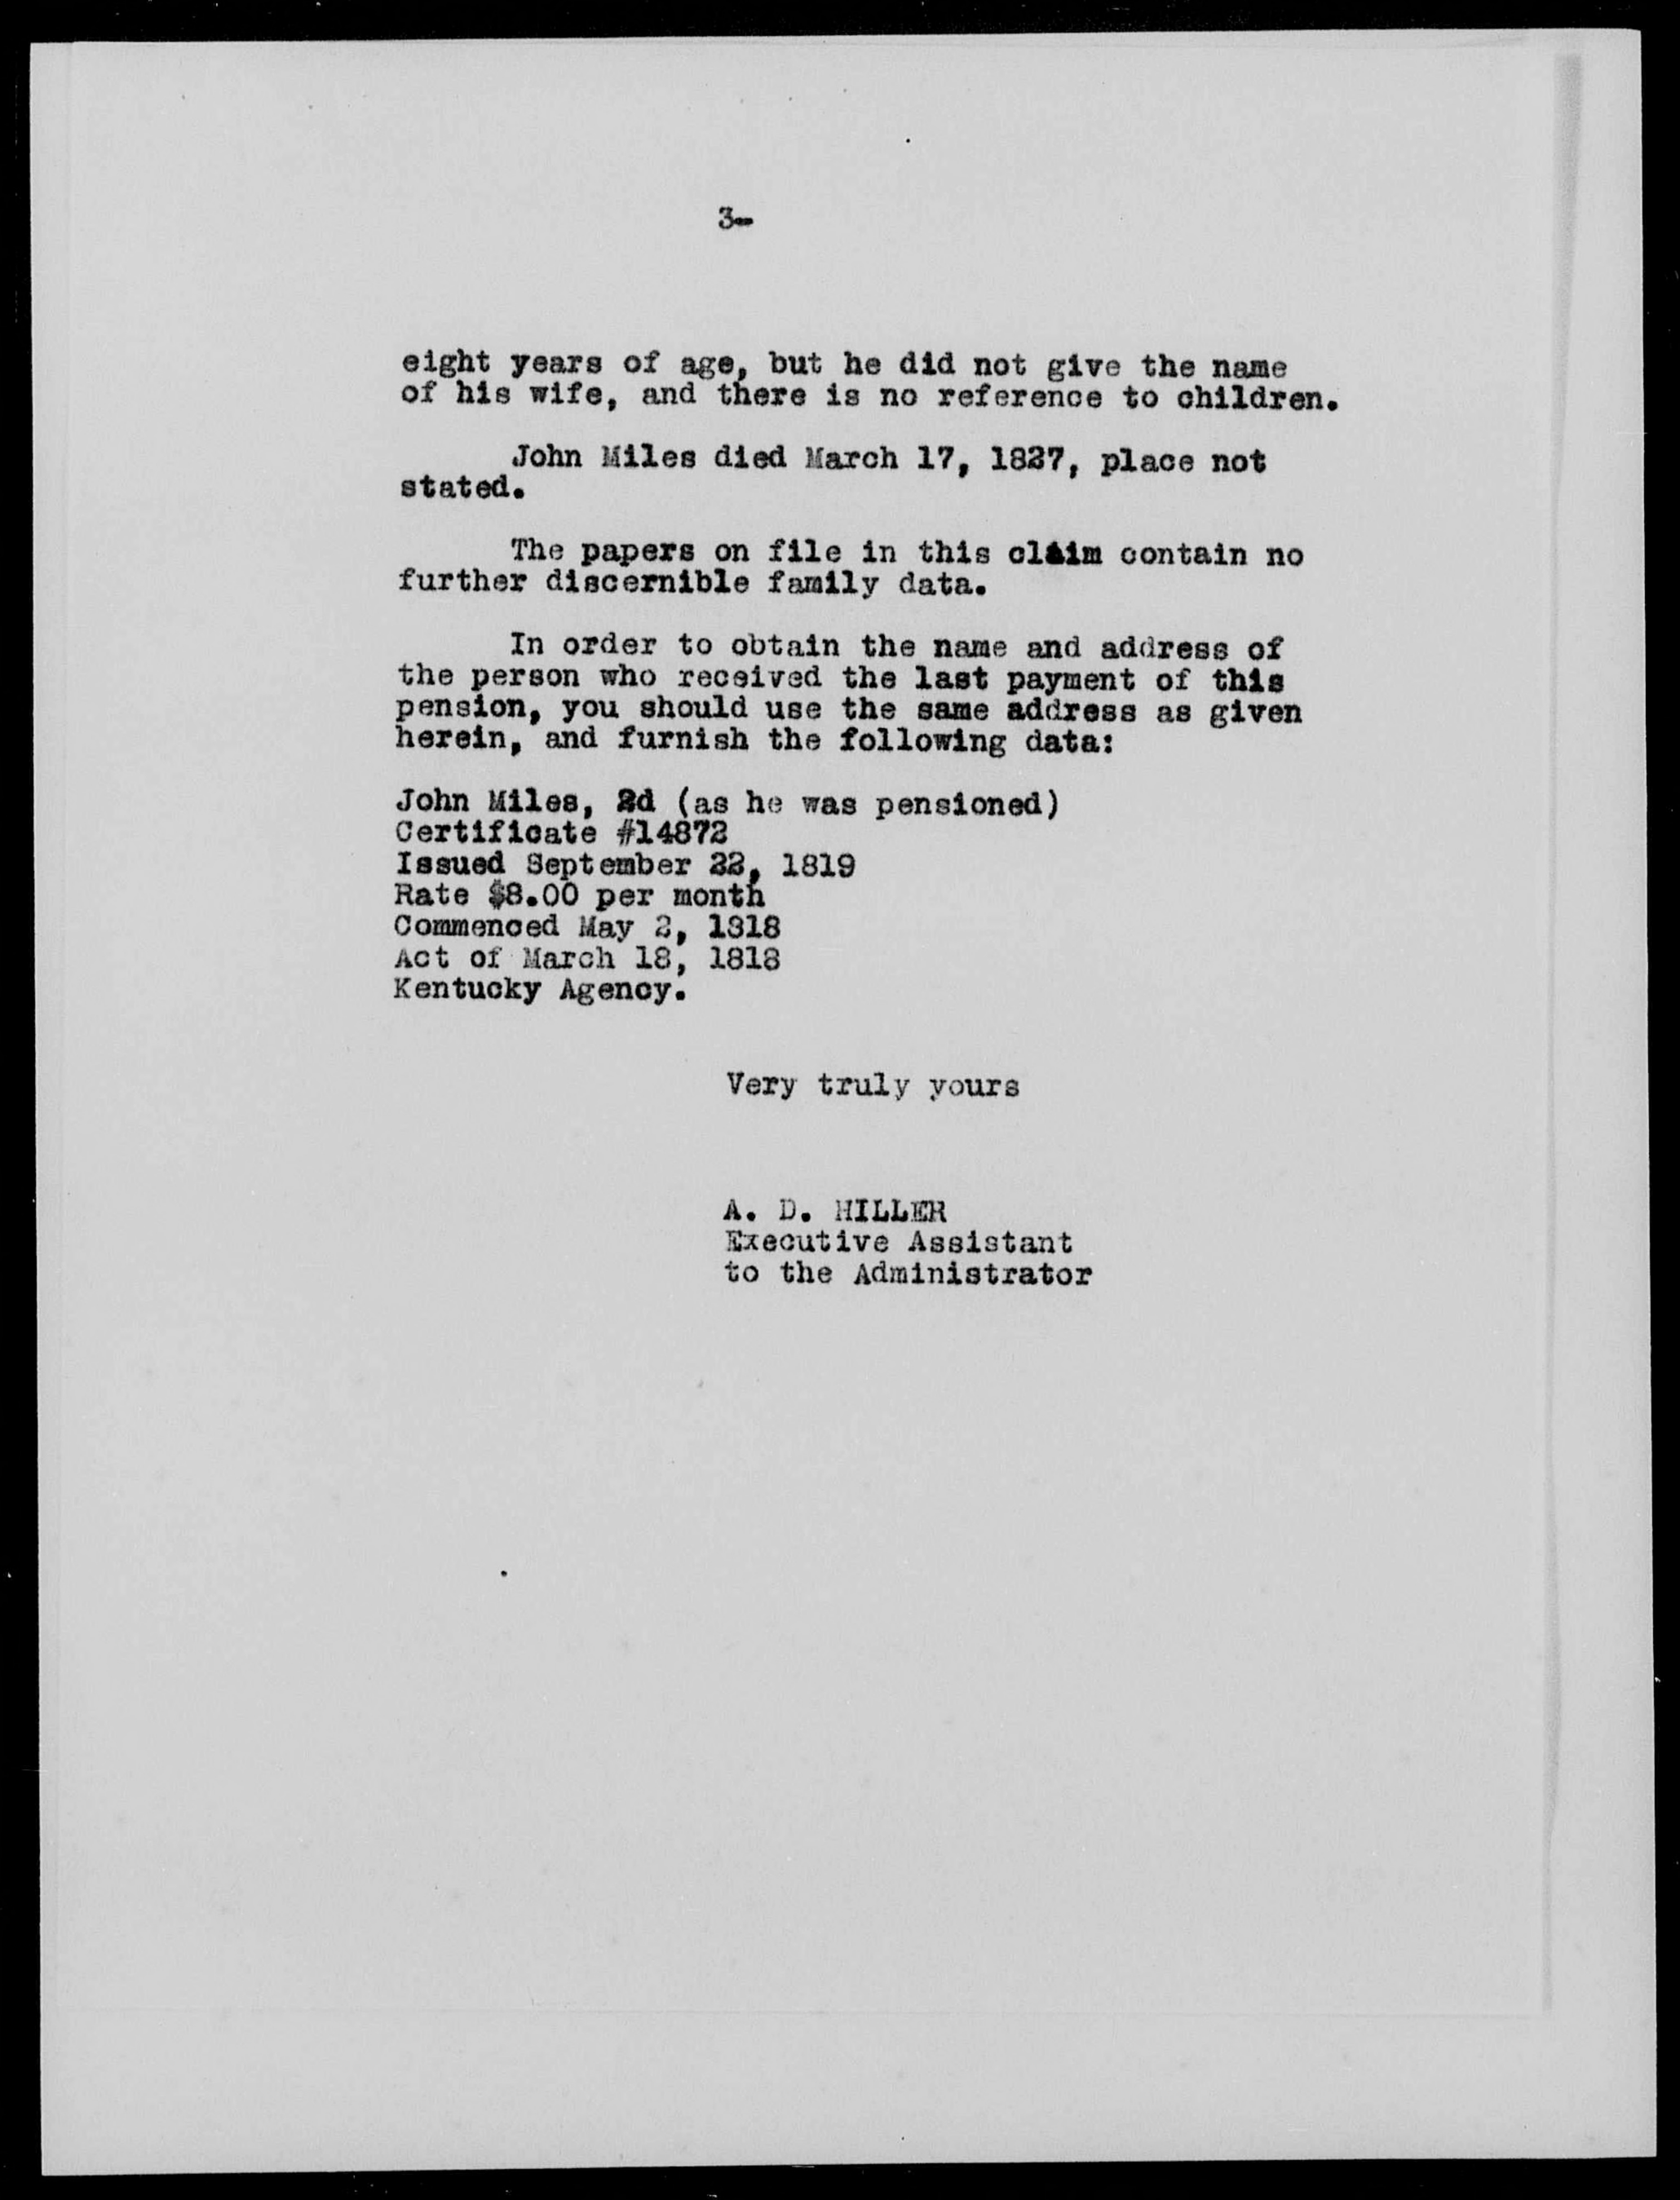3-

eight years of age, but he did not give the name
of his wife, and there is no reference to children.

John Miles died March 17, 1827, place not stated.

The papers on file in this claim contain no further discernible family data.

In order to obtain the name and address of the  person who received the last payment of this 
pension, you should use the same address as given herein, and furnished the following data:

John Miles, 2d [as he was pensioned]
Certificate #14872
Issued September 22, 1819
Rate $8.00 per month
Commenced May 2, 1818
Act of March 18, 1818
Kentucky Agency

Very truly yours

A.D. HILLER
Executive Assistant
to the Administrator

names: A D Hiller; John Miles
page: 14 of 24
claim: survivor's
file: S 36138, for John Miles, Maryland